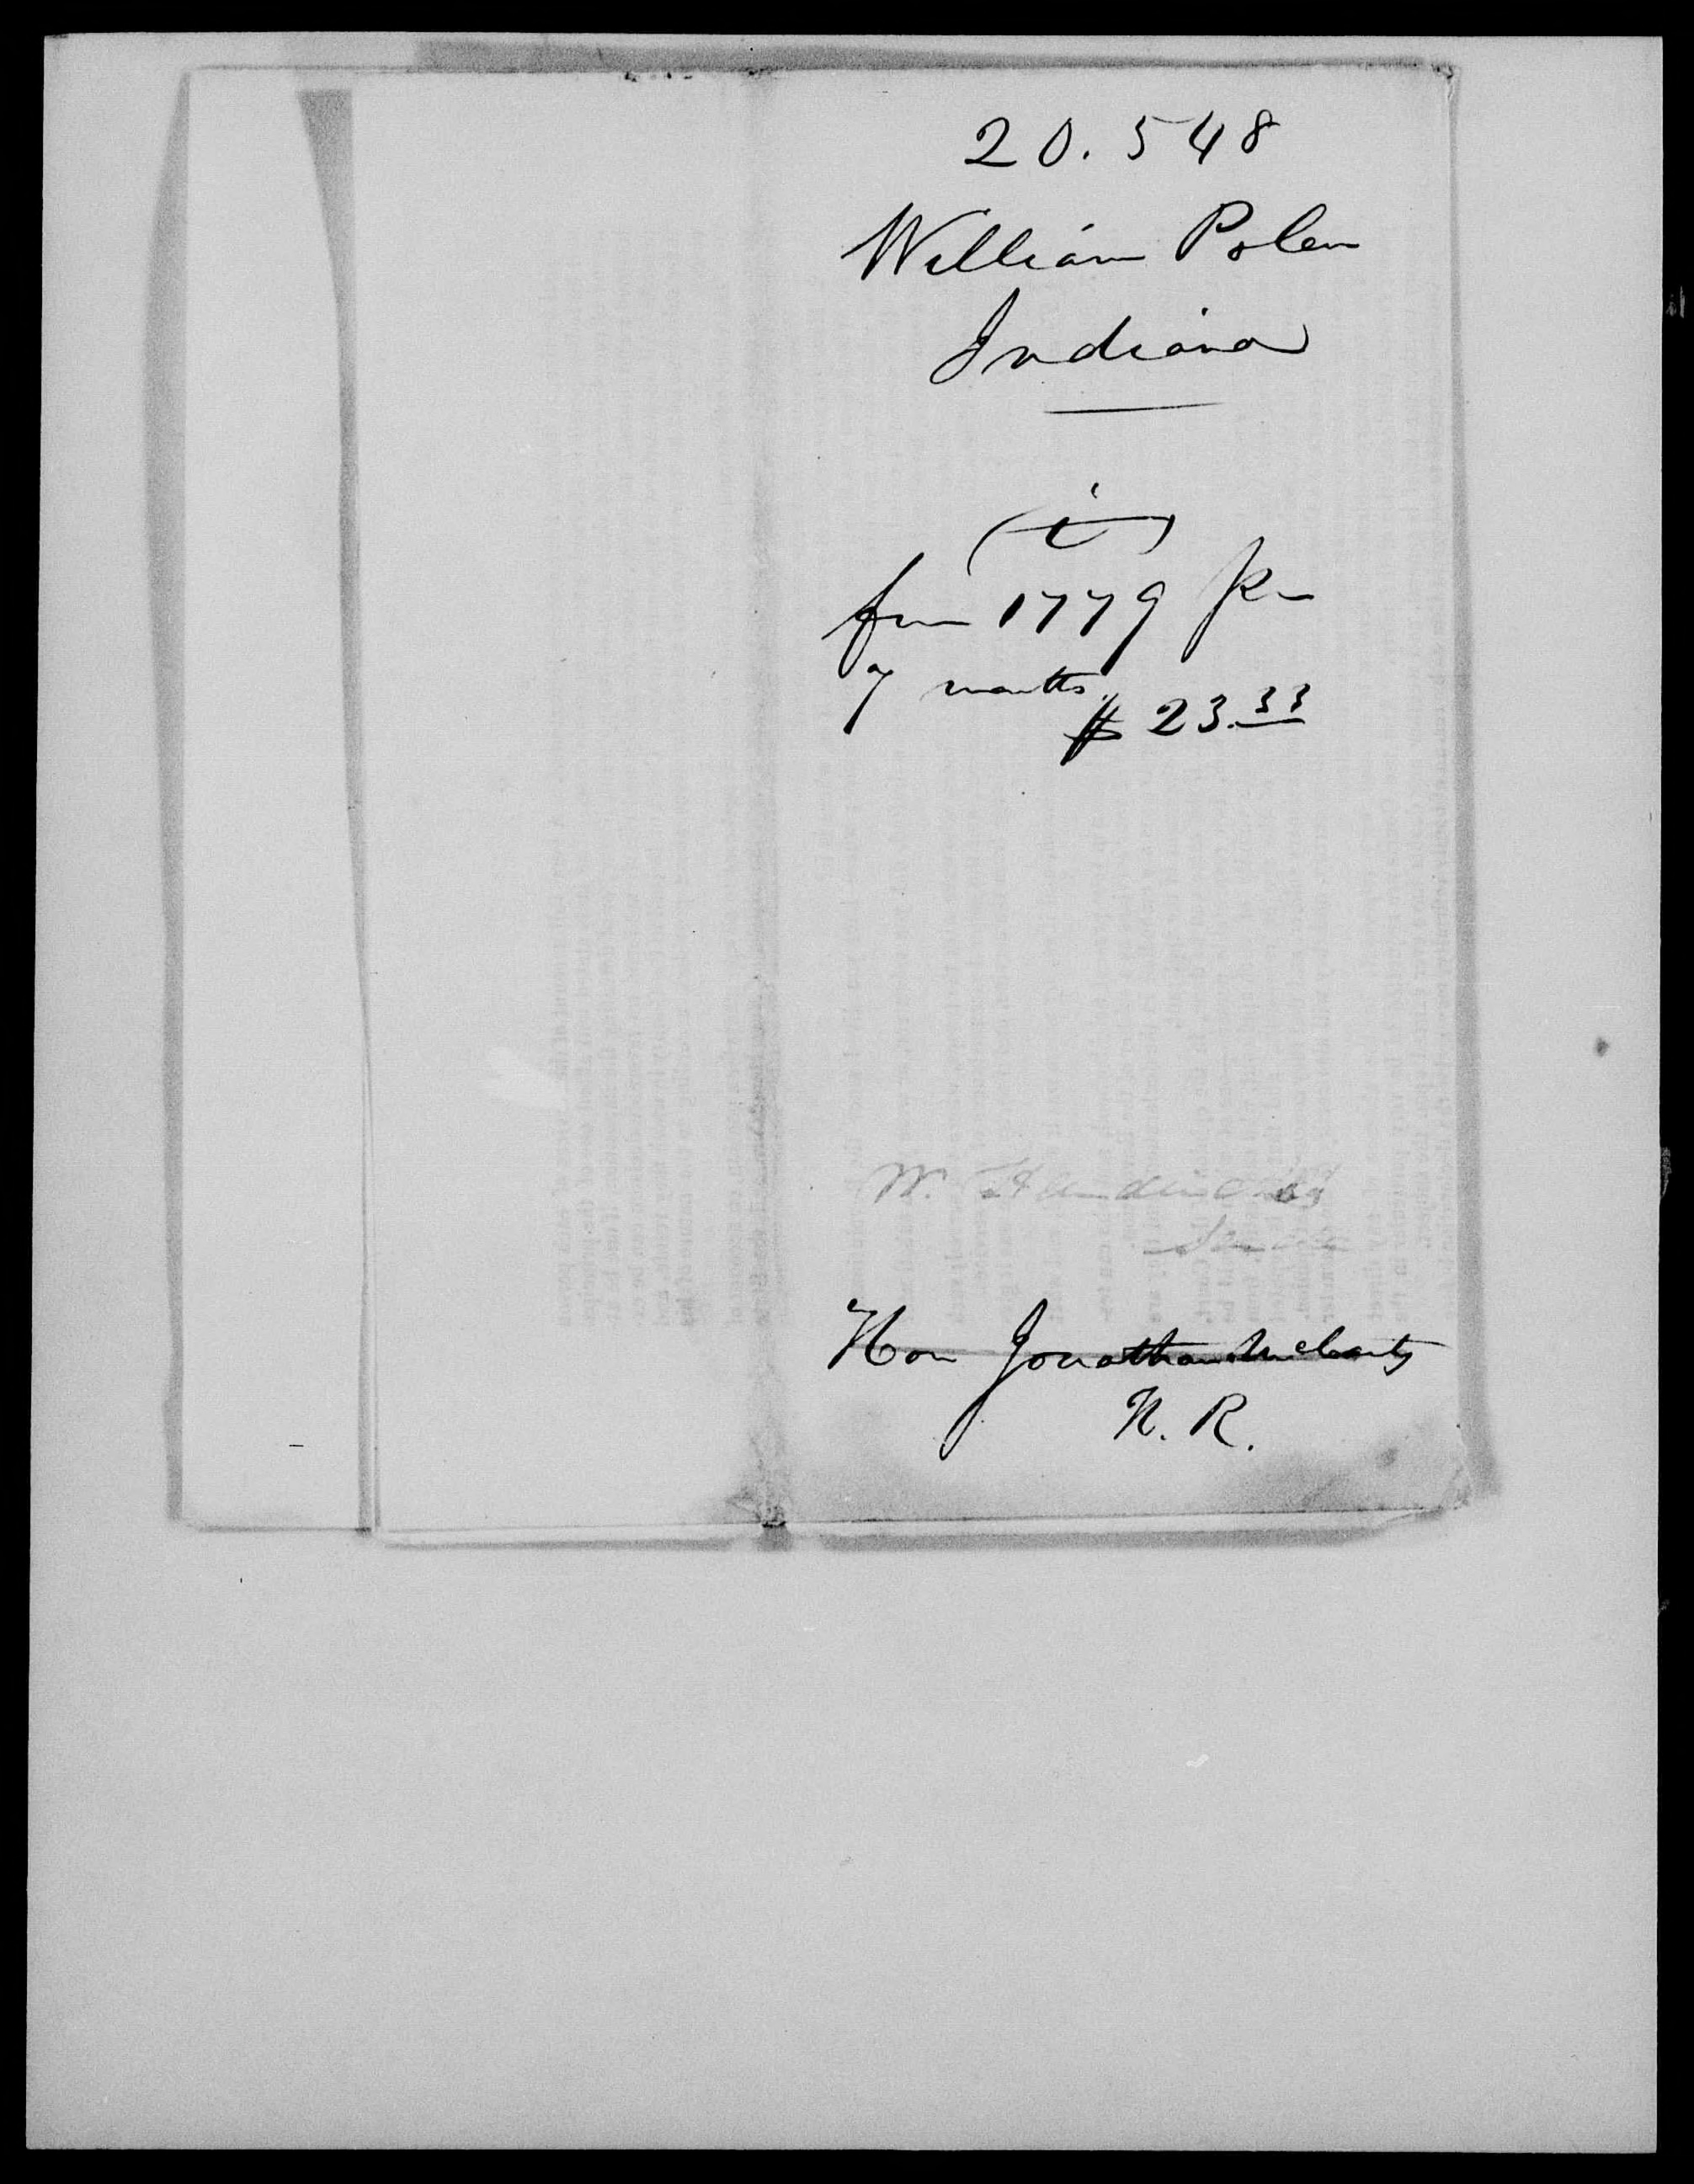23,548
William Polen
Indiana
from 1779 pr
7 months
$23.33
W. H. Hardin
Senate
H.R.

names: William Polen; Jonathan Mc Carty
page: 8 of 21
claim: survivor's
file: S. 32453, for William Polen, Virginia